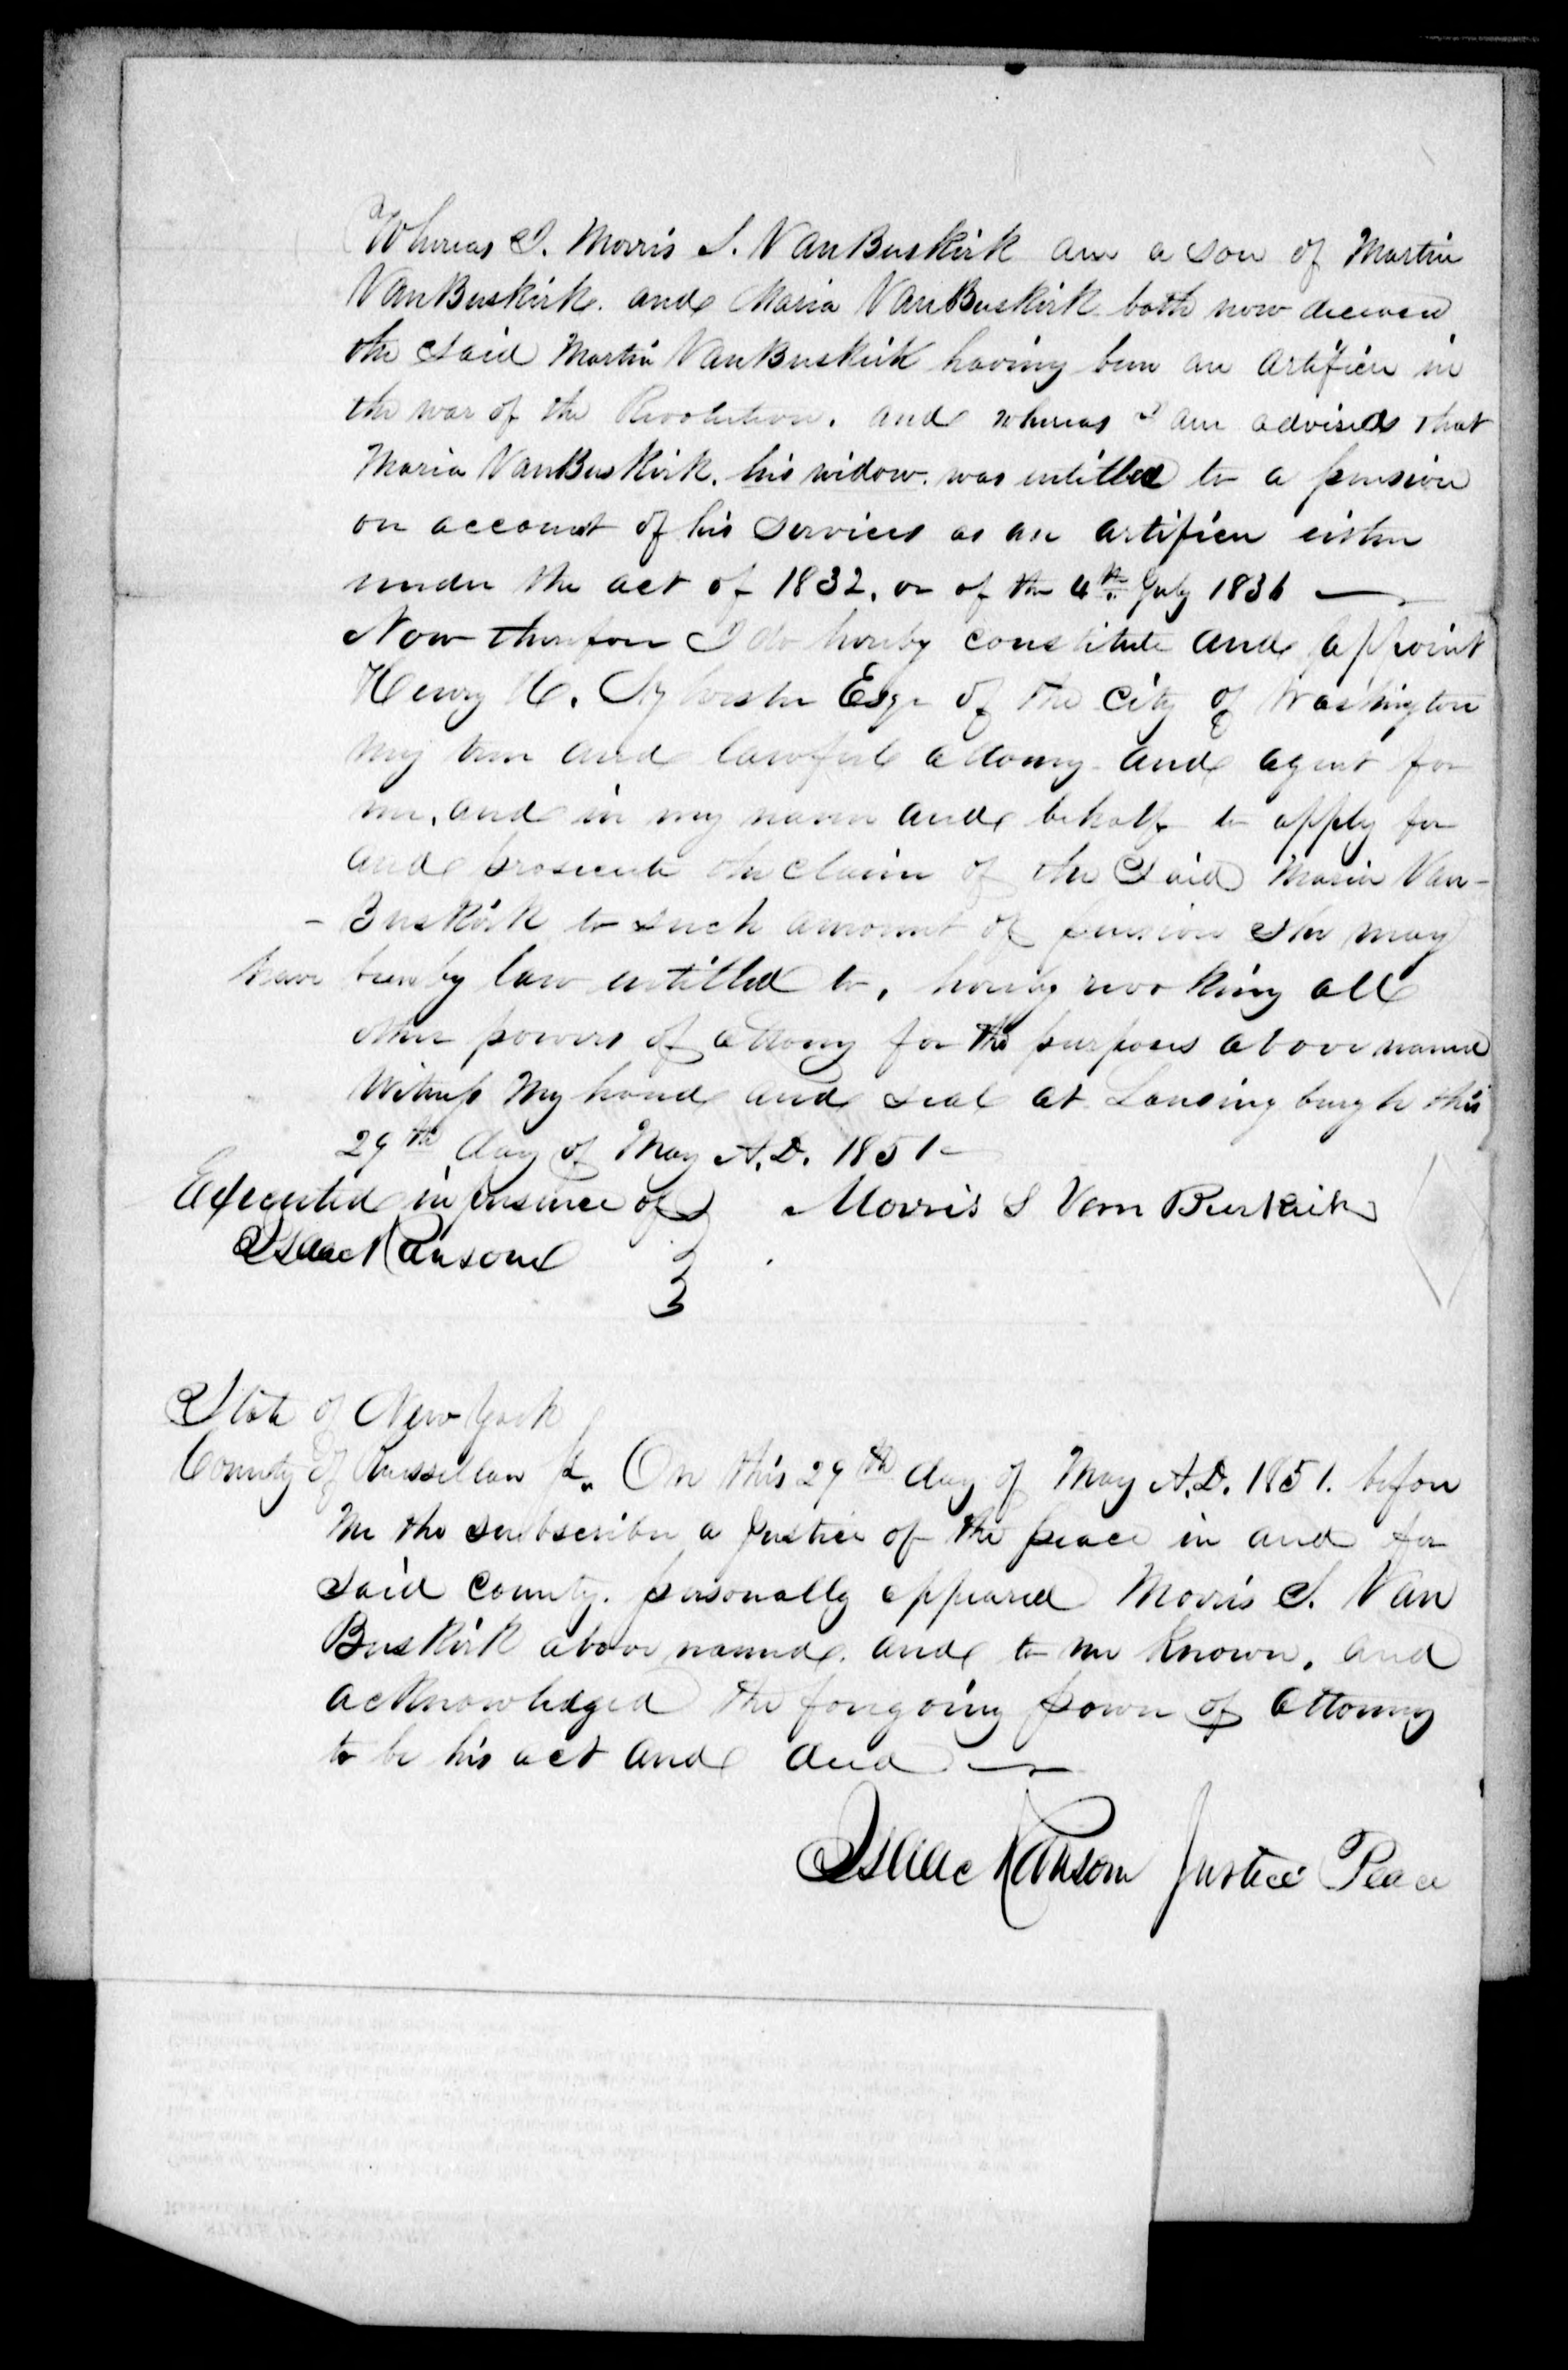Whereas I, Morris S. Van Buskirk am a son of Martin Van Buskirk and Maria Van Buskirk both now deceased the said Martin Van Buskirk having been an Artificer in the war of the Revolution, and whereas I am advised that
Maria Van Buskirk, his widow was entitled to a pension on account of his services as an artificer is then under the act of 1832, or of the 4th July 1836 -

Now therefore I do hereby constitute and appoint Henry H. Sylvester Esqr of the City of Washington my true and lawful attorney and agent for me, and in my name and behalf to apply for and prosecute the claim of the said Maria VanBuskirk to such amount of pension she may have been by law entitled to, hereby revoking all other powers of attorney for the purposes above named
 Witness my hand and seal at Lansingburgh this 29th day of May A.D. 1851
Morris S. VanBuskirk [signature]

Executed in presence of Isaac Ransom } [signature]

State of New York
County of Rensselaer SS.
On this 29th day of May A.D. 1851, before me the subscriber a Justice of the peace in and for
said County, personally appeared Morris S. VanBuskirk above named, and to me known, and acknowledged the foregoing power of Attorney to be his act and deed ---
Isaac Ransom [signature] Justice Peace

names: Henry H Sylvester, Morris S Van Buskirk, Maria Van Buskirk, Maria Van Buskirk, Isaac Ransom, Martin Van Buskirk, Maria Van Buskirk, Martin Van Buskirk, Morris S Van Buskirk, Morris S Van Buskirk, Isaac Ransom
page: 69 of 70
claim: rejected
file: R. 10,832, Martin Van Buskirk, New York.